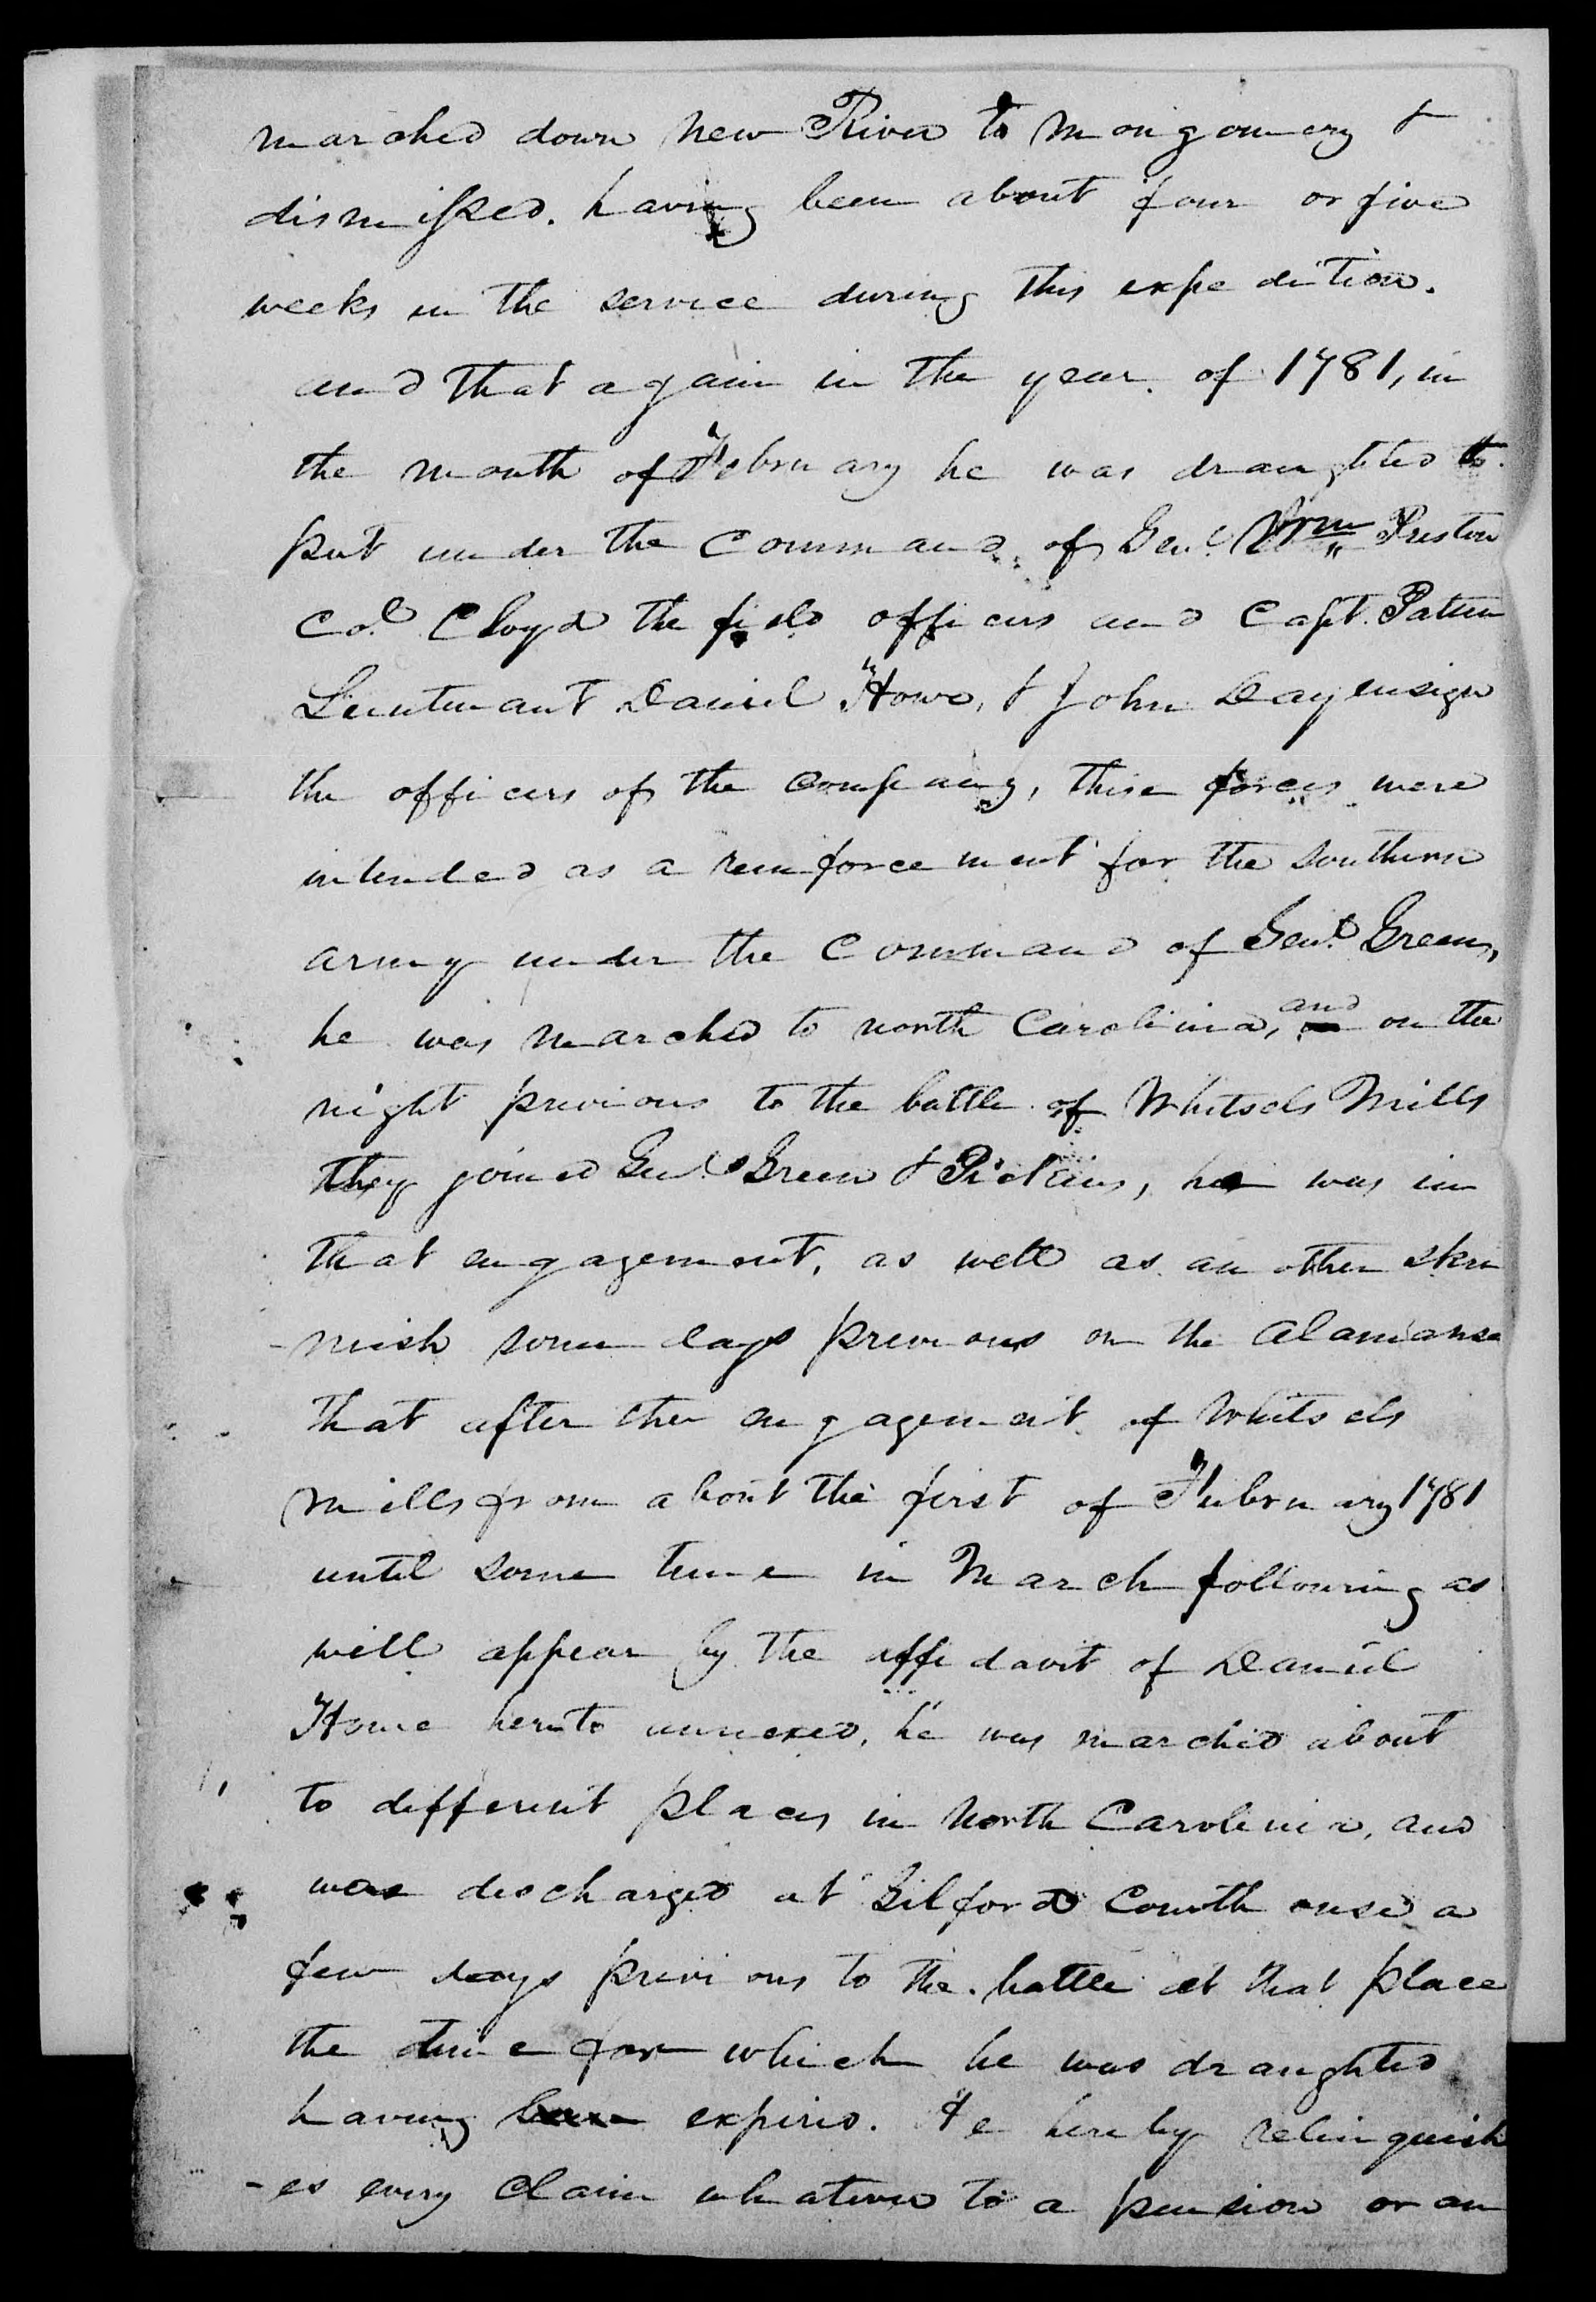marched down New River to Montgomery & dismissed. having been about four or five weeks in the service during this expedition. and that again in the year of 1781, in the month of February he was draughted to put under the Command of Genl. Wm Preston Col. Cloyd the field officers and Capt. Patton Lieutenant Daniel Howe, & John Day ensign the officers of the Company, these forces were included as reinforcement for the Southern army under the Command of Genl. Green, he was marched to North Carolina, and on the night previous to the battle of Whitsds Mills they joined Genl. Green & Pickens, he was in that engagement, as well as another skirmish some days previous on the Alamonsa 
That after the engagement of Whits Mill from about the first of February 1781 until some time in March following as will appear by the affidavit of Daniel Howe hereto annexed, he was marched about to different places in North Carolina, and was discharged at Guilford Courthouse a few days previous to the battle at that place the time for which he was draughted having expired. He hereby relinquishes every claim whatever toa  pension or an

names: Wm Preston; John Day; Daniel Howe; [BLANK] Green; [BLANK] Patten; [BLANK] Cloyd; [BLANK] Pickins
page: 7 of 35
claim: survivor's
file: S. 30,665, for John Prewett, Virginia